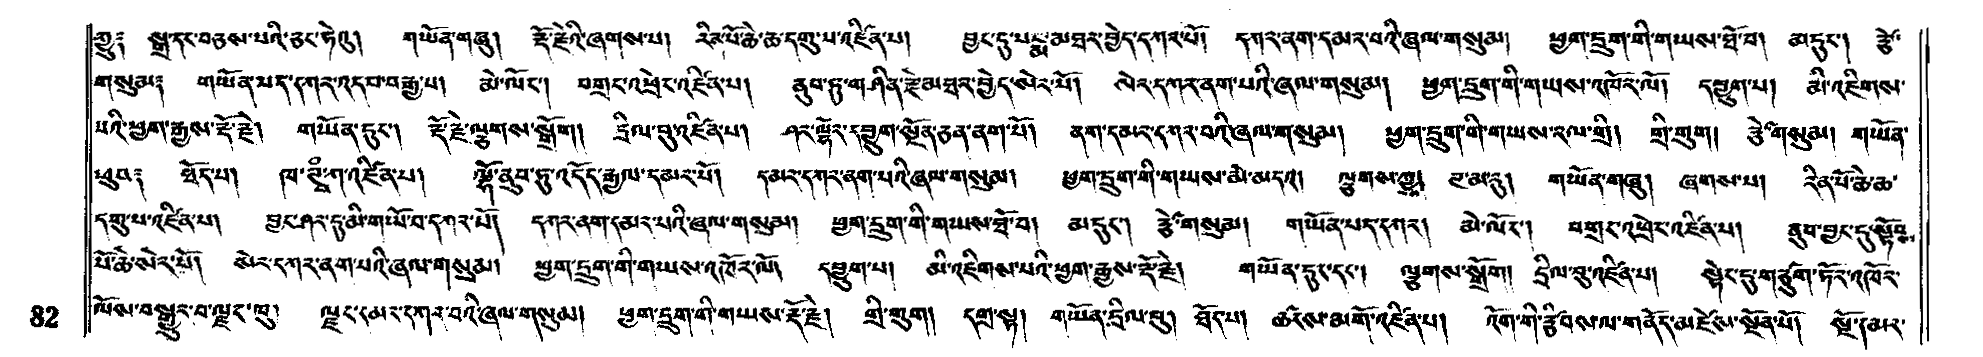ཀྱུ༑ སྒྲ་དང་བཅས་པའི་ཅང་ཏེའུ། གཡོན་གཞུ། རྡོ་རྗེའི་ཞགས་པ། རིན་པོ་ཆེ་ཆ་དགུ་པ་འཛིན་པ། བྱང་དུ་པདམ་མཐར་བྱེད་དཀར་པོ། དཀར་ནག་དམར་བའི་ཞལ་གསུམ། ཕྱག་དྲུག་གི་གཡས་ཐོ་བ། མདུང་། རྩེ་
གསུམ༑ གཡོན་པད་དཀར་འདབ་བརྒྱ་པ། མེ་ལོང་། བགྲང་འཕྲེང་འཛིན་པ། ནུབ་ཏུ་གཤིན་རྗེ་མཐར་བྱེད་སེར་པོ། སེར་དཀར་ནག་པའི་ཞལ་གསུམ། ཕྱག་དྲུག་གི་གཡས་འཁོར་ལོ། དབྱུག་པ། མི་འཇིགས་
པའི་ཕྱག་རྒྱས་རྡོ་རྗེ། གཡོན་ཏུང་། རྡོ་རྗེ་ལྕགས་སྒྲོག། དྲིལ་བུ་འཛིན་པ། ཤར་ལྷོར་དབྱུག་སྔོན་ཅན་ནག་པོ། ནག་དམར་དཀར་བའི་ཞལ་གསུམ། ཕྱག་དྲུག་གི་གཡས་རལ་གྲི། གྲི་གུག། རྩེ་གསུམ། གཡོན་
ཕུབ༑ ཐོད་པ། ཁ་ཊྭཱཾ་ཀ་འཛིན་པ། ལྷོ་ནུབ་ཏུ་འདོད་རྒྱལ་དམར་པོ། དམར་དཀར་ནག་པའི་ཞལ་གསུམ། ཕྱག་དྲུག་གི་གཡས་མི་མདའ། ལྕགས་ཀྱུ། ཊ་མ་རུ། གཡོན་གཞུ། ཞགས་པ། རིན་པོ་ཆེ་ཆ་
དགུ་པ་འཛིན་པ། བྱང་ཤར་དུ་མི་གཡོ་བ་དཀར་པོ། དཀར་ནག་དམར་པའི་ཞལ་གསུམ། ཕྱག་དྲུག་གི་གཡས་ཐོ་བ། མདུང་། རྩེ་གསུམ། གཡོན་པད་དཀར། མེ་ལོང་། བགྲང་འཕྲེང་འཛིན་པ། ནུབ་བྱང་དུ་སྟོབས་
པོ་ཆེ་སེར་པོ། སེར་དཀར་ནག་པའི་ཞལ་གསུམ། ཕྱག་དྲུག་གི་གཡས་འཁོར་ལོ། དབྱུག་པ། མི་འཇིགས་པའི་ཕྱག་རྒྱས་རྡོ་རྗེ། གཡོན་དུང་དང་། ལྕགས་སྒྲོག། དྲིལ་བུ་འཛིན་པ། སྟེང་དུ་གཙུག་ཏོར་འཁོར་
ལོས་བསྒྱུར་བ་ལྗང་ཁུ། ལྗང་དམར་དཀར་བའི་ཞལ་གསུམ། ཕྱག་དྲུག་གི་གཡས་རྡོ་རྗེ། གྲི་གུག། དགྲ་སྟ། གཡོན་དྲིལ་བུ། ཐོད་པ། ཚངས་མགོ་འཛིན་པ། འོག་གི་རྩིབས་ལ་གནོད་མཛེས་སྔོན་པོ། སྔོ་དམར་